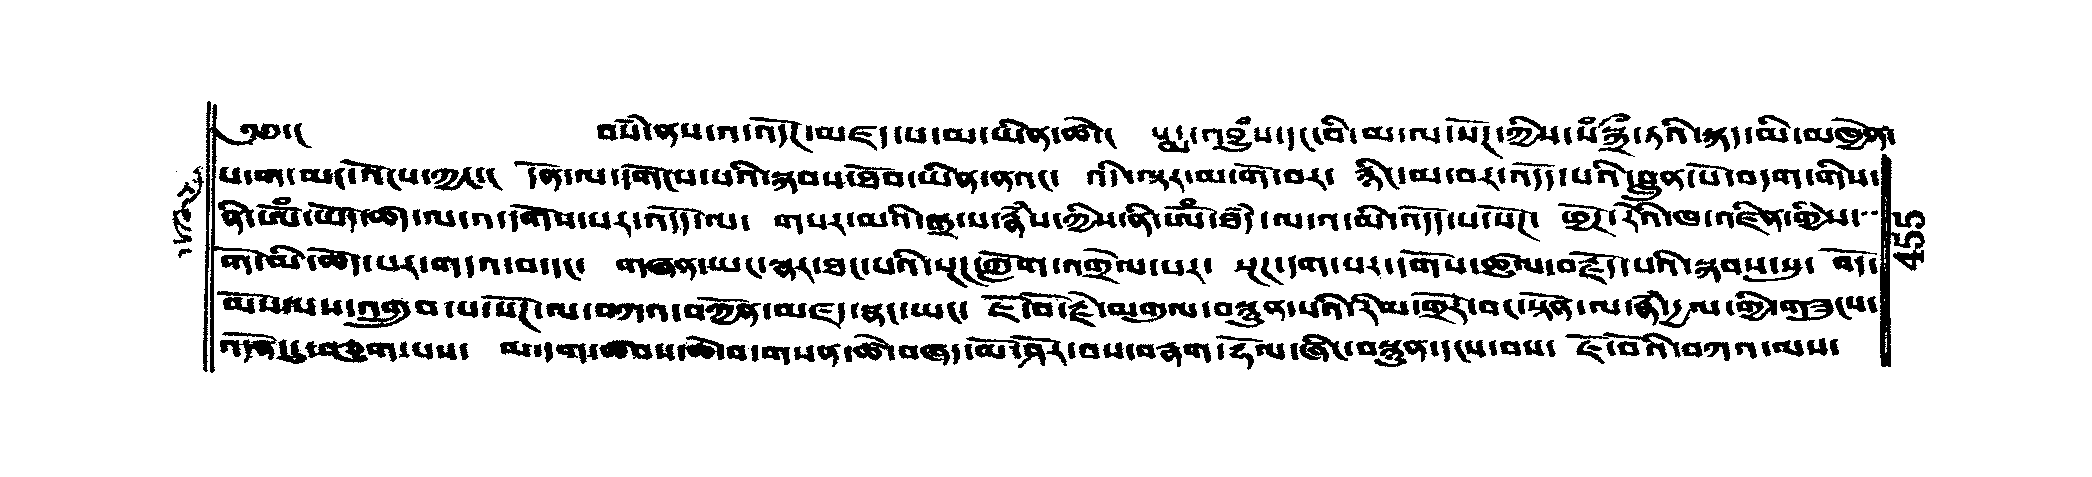བསམ་ནས་འ་འདོགས་མཛད་པ་མ་ཡིན་ཚེ། པདྨ་འབྱུང་གནས་དང་བི་མ་ལ་སོགས་ཀྱི་སཾསྐྲྀ་ཏའི་སྐད་མི་མཁྱེན་
པ་ག་ལ་འོངས་ཀྱང་། དོན་ལ་དགོངས་པའི་སྐབས་ཐོབ་ཡིན་ནའང་། འདི་ལྟར་མ་གོ་བར། རྙིང་མ་བར་འདོད་པའི་བླུན་པོ་བདག་གིས་
ནི་ཨོཾ་ཡོད་ཚད་ལ་འ་དགོས་པར་འདོད་ལ། གསར་མའི་སྒྲ་པ་རྣམས་ཀྱིས་ནི་ཨོཾ་ཐམས་ཅད་ལ་འ་མི་འདོད་པ་སོགས། ཕྱོགས་རེའི་ཁ་འཛིན་གྱིས་
གོ་མི་ཆོད་པར་གདའ་བ་དང་།གཞན་ཡང་སྣར་ཐང་པའི་སྔགས་ཀློག་འགྲེལ་པར། སྔགས་དག་པར་དགོས་ཚུལ་བརྗོད་པའི་སྐབས་སུ། བོད་
མོས་པས་འགྲུབ་པ་སོགས་ལ་བཀའ་བཀྱོན་མཛད་སྣང་ཡང་། ཇོ་བོ་རྗེ་མགུལ་བསྙུན་པའི་རིམ་གྲོར་སང་སྟོན་ལ་རྣམ་རྒྱལ་གྱི་གཟུངས་
འདོན་དུ་བཅུག་པས། མ་དག་ཚབས་ཆེ་བ་གསན་ཚེ་བཞད་མོ་ཤོར་བས་བརྣག་རྡོལ་ཞིང་བསྙུན་དྭངས་བས། ཇོ་བོའི་བཀའ་ལས་